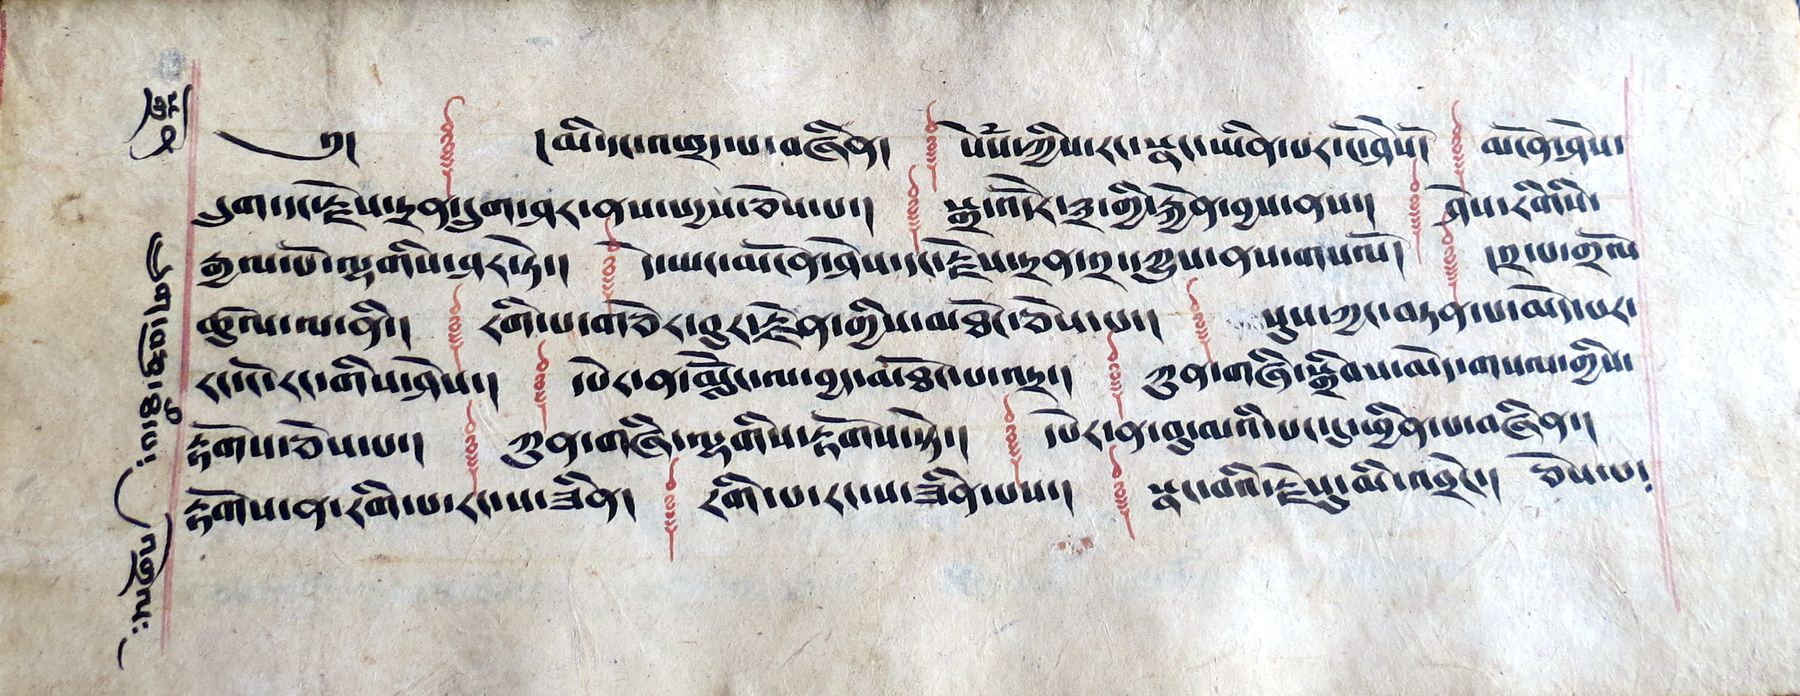མི་དང་འཕྲད་པ་བཞིན། སེམས་ཀྱི་རང་སྣང་ཡིན་པར་ངོ་ཤེས་སོ། །མངོན་ཤེས་
དྲུག་དང་རྗེས་དྲན་དྲུག་ཤར་ནས་སངས་རྒྱས། །ཞེས་པས། སྒྲ་འོད་ཟེར་གསུམ་གྱིས་རྐྱེན་བྱས་ནས། ཤེས་རིག་གི་
རྒྱལ་པོ་ལྷག་གིས་ཤར་ཏེ། དེ་ཡང་མངོན་ཤེས་དང་རྗེས་དྲན་གཉིས་དཀྱུས་ན་གསལ་ལོ། །གཉིས་པ་གྲོལ་
ཚུལ་ནི། རིག་པ་གཅེར་བུར་རྗེན་གྱིས་མཐོང་། །ཞེས་པས། སུས་ཀྱང་བསྟན་པ་མེད་པར། 
རང་ངོ་རང་གིས་ཤེས། དཔེར་ན་མེ་ལོང་ལ་བྱད་མཐོང་པ་འདྲ། ཀུན་གཞི་སྒྲིབ་མེད་སལ་གྱིས་
རྟོགས་ཞེས་པས་ ཀུན་གཞི་ལྷག་གིས་རྟོགས་ཏེ། དཔེར་ན་བུ་མའི་པང་དུ་ཕྱིན་པ་བཞིན། 
རྟོགས་ནས་རིག་པ་རང་ས་ཟིན། རིག་པ་རང་ས་ཟིན་པས་སྣང་བའི་རྗེས་སུ་མི་འབྲེང་། །ཞེས་པས།